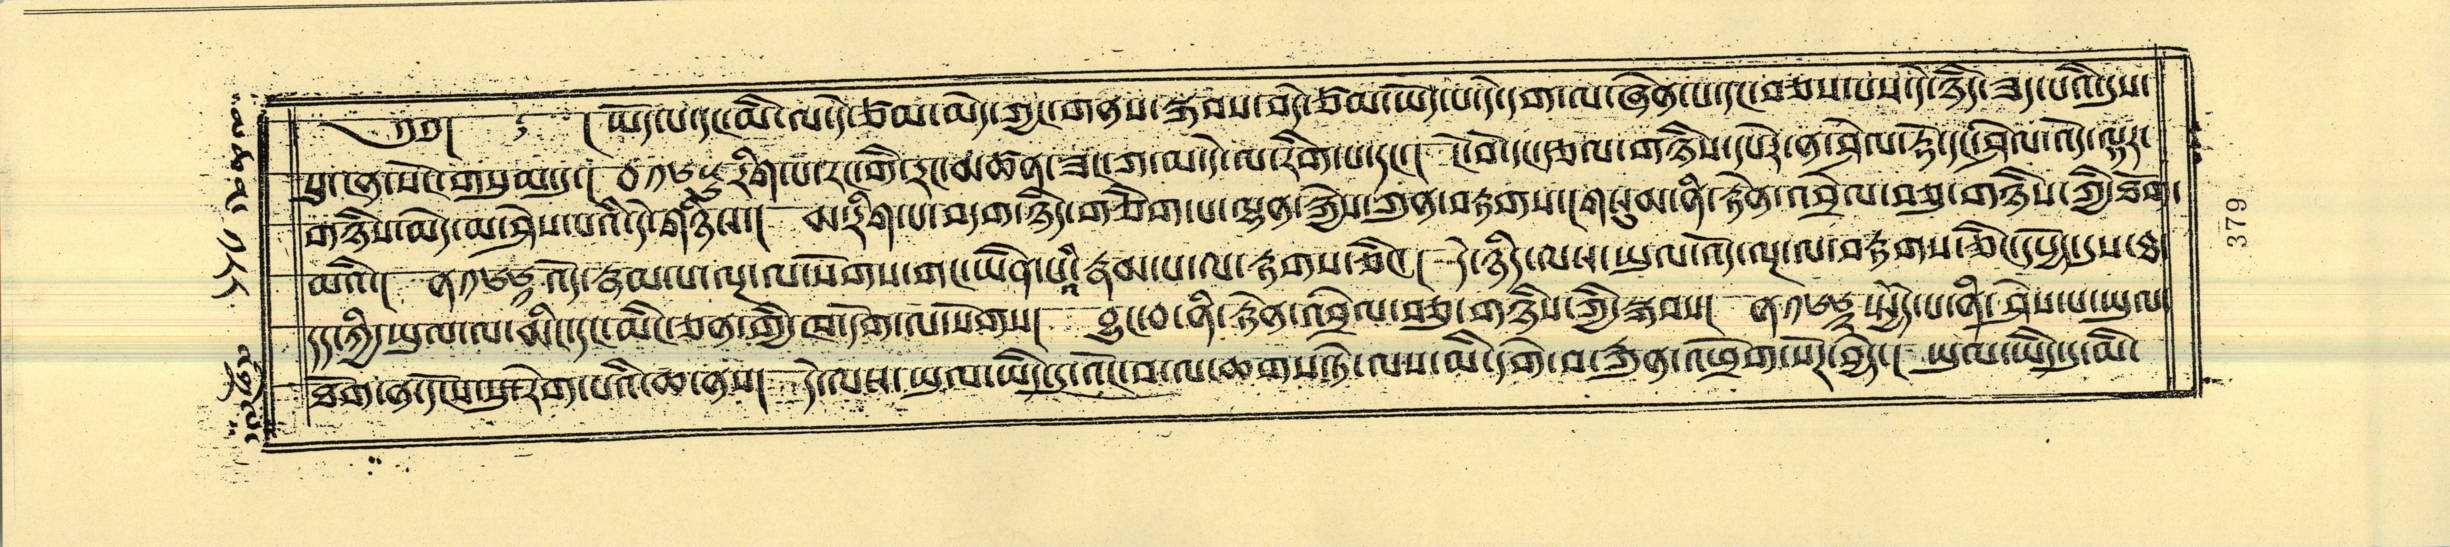ཡོད་པ་དང་མི་ལ་དེ་ཙམ་མེད་ཀྱང་གནས་སྐབས་བདེ་ཙམ་ཡོད་པ་དེ་དག་ལ་ཞེན་པ་དང་བཅས་པས་དེ་ཉིད་ཟད་པའི་དུས་
སུ་ངན་སོང་གསུམ་དུ། བ༡༦༥།༦རིག་པ་རང་གི་རང་མཚན་ཟང་ཀ་མ་དེ་ལ་རིག་པ་དང། ངོ་བོ་དང་རྩལ་གཉིས་དཔེར་ན་ཤེལ་རྡོ་དང་ཤེལ་འོད་ལྟར་
གཉིས་མེད་མ་ཤེས་པའི་དེ་གཉིས། མ་རིག་པ་བདག་ཉིད་གཅིག་པ་ལྷན་སྐྱེས་ཀུན་བརྟགས། གསུམ་ནི་རྟེན་འབྲེལ་བཅུ་གཉིས་ཀྱི་ཐོག་
མའི། ན༡༦༦།༡ འོད་རྣམ་པ་ལྔ་ལ་སོགས་གང་ཡིན་པའི་རྣམ་པ་ལ་རྟགས་ཅིང། ༼དེ་ཉིད་ལས་༽ཡུལ་འོད་ལྔ་ལ་བརྟགས་ཅིང་དཔྱོད་དུས་ཐ་
དད་ཀྱི་ཡུལ་ལ་མིང་དང་མིང་ཅན་གྱི་ཁ་དོག་ལ་སོགས། བྱུང་བ་ནི་རྟེན་འབྲེལ་བཅུ་གཉིས་ཀྱི་སྐབས། ན༡༦༦།༢ སྤྱོད་པ་ནི་ཤེས་པ་ཡུལ་
ཐོག་ན་དངོས་སུ་རེག་པའི་ཆ་ནས། ༼དེ་ལས་༽ཡུལ་ཡིད་དུ་འོང་བ་ལ་ཆགས་ཏེ་ལས་མི་དགེ་བ་རྐུན་འཕྲོག་སོགས་བྱེད། ཡུལ་ཡིད་དུ་མི་